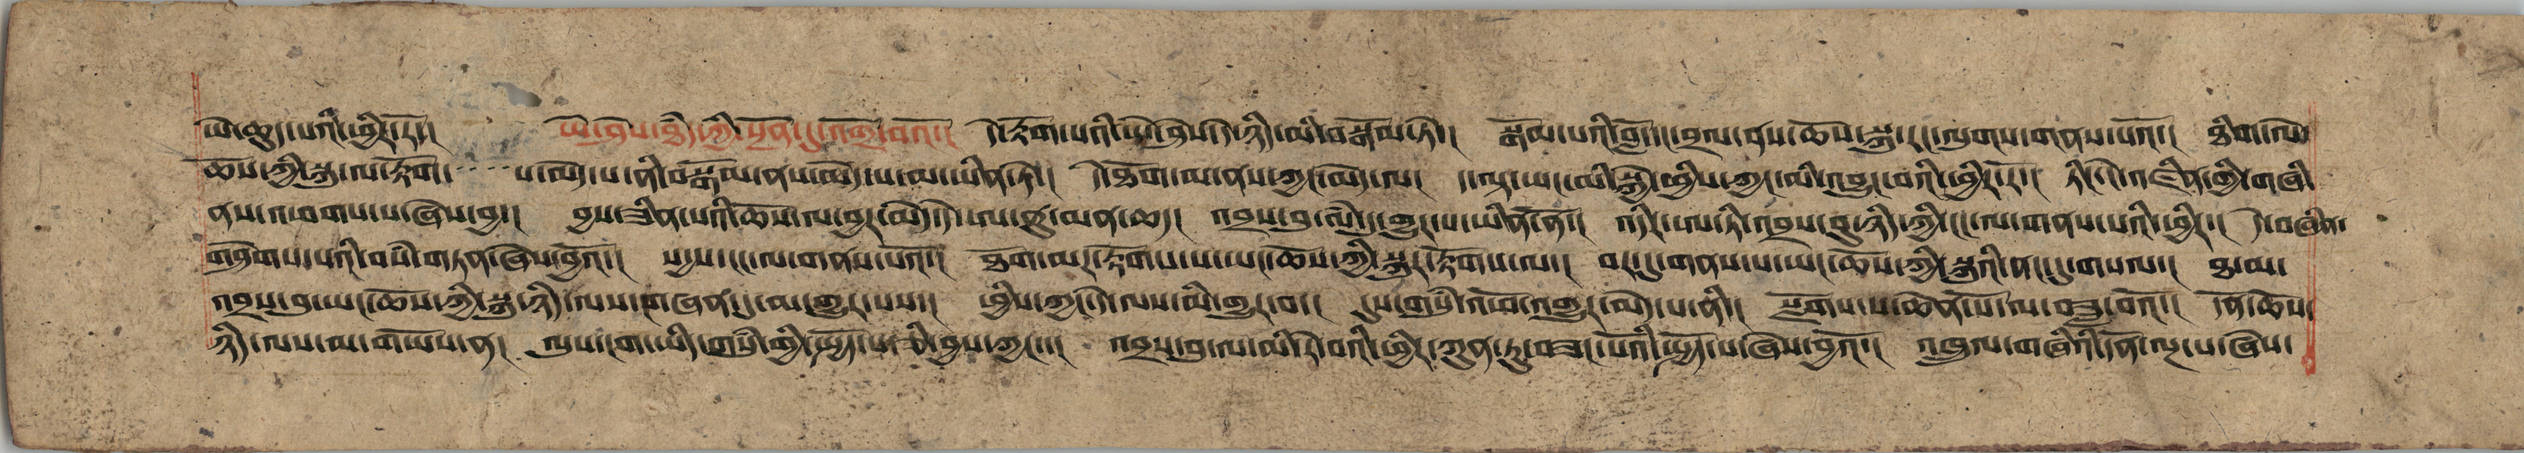ཡེ་ཆུད་པའི་ཕྱིར་རོ་། ཡེ་ཤེས་ཐཾད་ཀྱི་སྔོན་དུ་འགྲོ་བའོ་། དེ་རྟོག་པའི་ཡེ་ཤེས་དེ་ཉིད་མི་བསྒོམ་ཏེ་། སྒོམ་པའི་བློ་དང་བྲལ་ནས་ཆོས་སྐུ་རང་ལུགས་གནས་པའོ་། ཐིག་ལེ་
ཆོས་ཀྱི་སྐུ་ལ་རྟོག་ པ་མེད་པ་ནི་བསྒོམ་ནས་འདོད་པ་མ་ཡིན་ཏེ་། དེ་ཐོག་མ་ནས་ཀྱང་མེད་ལ། ད་ལྟ་ཡང་མི་སྐྱེ་ཕྱིས་ཀྱང་མི་འབྱུང་བའི་ཕྱིར་རོ་། ཏིང་ངེ་འཛིན་གྱི་གཞི་
ནས་འཕགས་པ་ཞེས་བྱ་། བྱས་ཟིན་པའི་ཆོས་ལ་བྱར་མེད་དེ་ཨ་ནུ་མན་ཆད། འབྲས་བུ་ལཾ་དུ་གྱུར་པ་ཡིན་ནོ་། འདིར་ཨ་ཏི་འབྲས་བུ་ཉིད་ཀྱི་ངང་ལ་གནས་པའི་ཕྱིར་། དེ་བཞིན་
གཤེགས་པའི་བསཾ་གཏན་ཞེས་བྱའོ་། སདྱས་ངང་ལ་གནས་པའོ་། ཐོག་མར་རྟོགས་པ་ཡང་ཆོས་ཀྱི་སྐུར་རྟོགས་ལ་། བར་དུ་གནས་པ་ཡང་ཆོས་ཀྱི་སྐུའི་ནང་དུ་གསལ་། ཐ་མ་
འབྲས་བུ་ཡང་ཆོས་ཀྱི་སྐུ་ཉིད་ལས་གཞན་དུ་མ་གྱུར་པས་། ཕྱིས་ཀྱང་དེ་ལས་མི་གྱུར་པ་། དུས་གསུཾ་འཕོ་འགྱུར་མེད་པ་ནི་། སྫོགས་ ཆེན་པོ་ལ་བཟླ་བའོ་། དོན་ཆོས་
ཉིད་ལས་མ་གཡོས་ན། ལུས་ངག་ཡིད་གསུཾ་གྱི་སྤྱོད་པ་ཅི་བྱས་ཀྱང་་། འབྲས་བུ་ལ་མི་རེ་བའི་ཕྱིར་ཀུན་ཏུ་བཟང་པོའི་སྤྱོད་པ་ཞེས་བྱའོ་། འཁྲུལ་གཞིའི་དོན་ལྔ་པ་ཞེས་